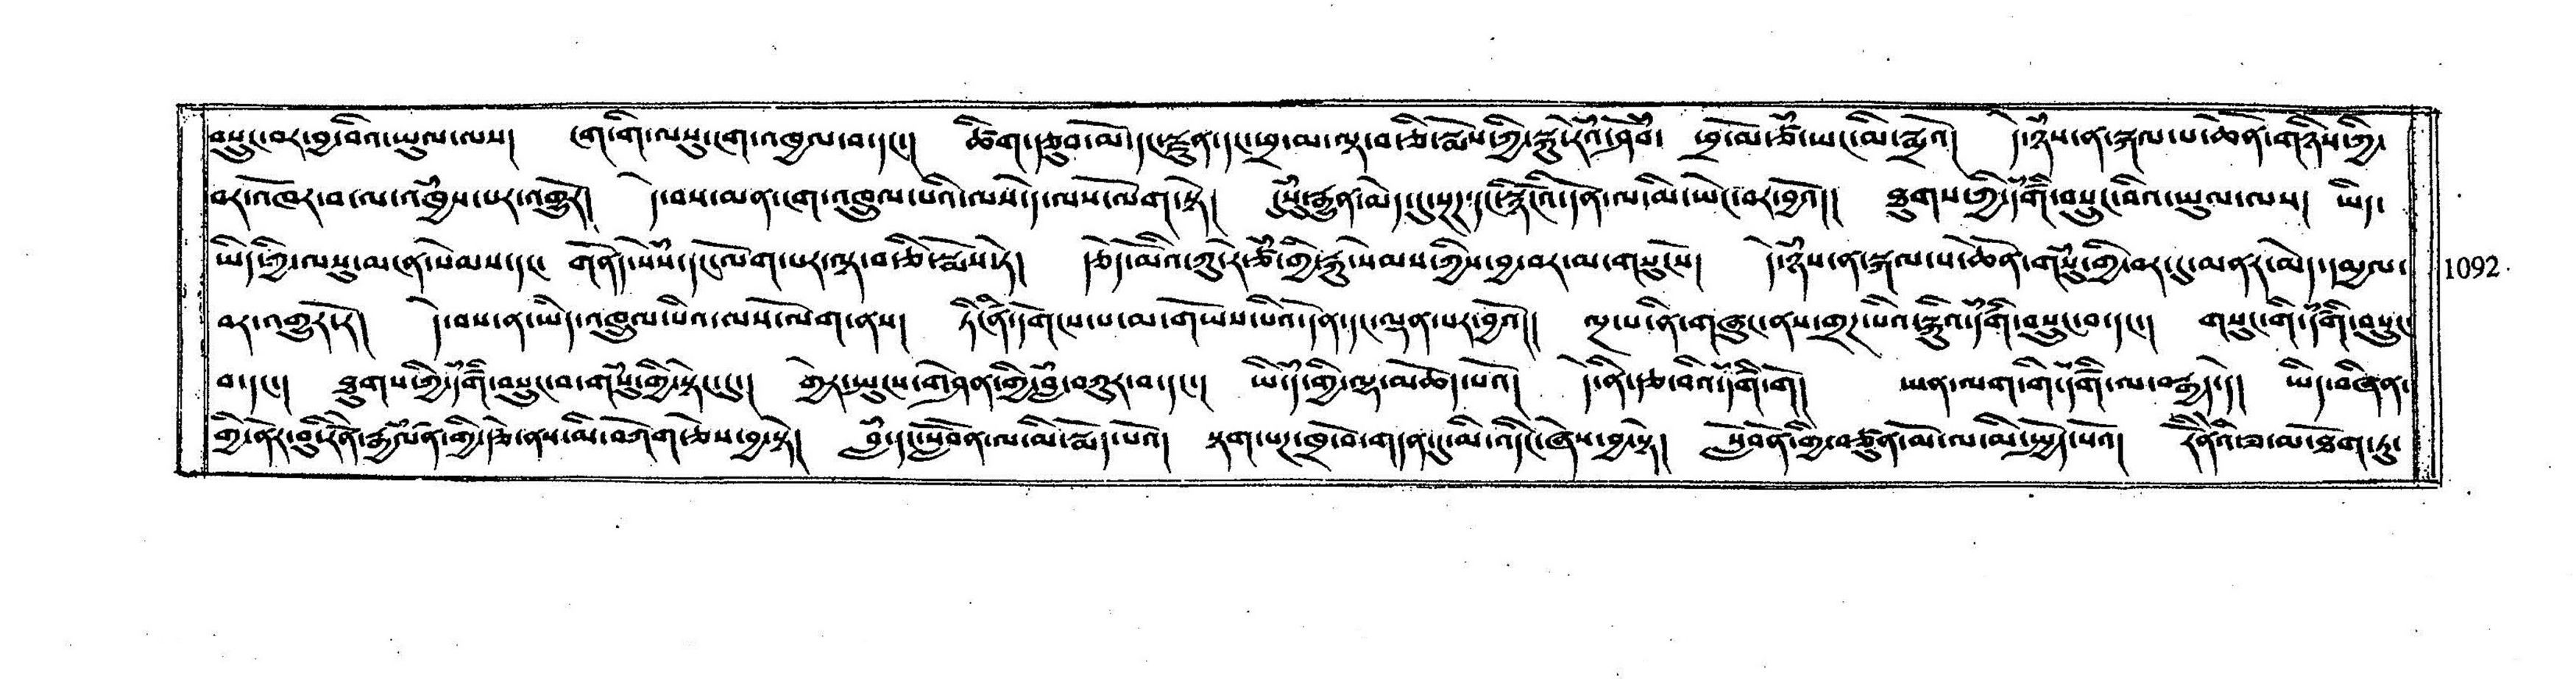བསྲུང་བར་བྱ་བའི་ཡུལ་ལས། ངག་གི་ལས་སུ་ངག་འཁྱལ་བ་དང་། ཚིག་རྩུབ་མོ་དང་རྫུན་དང་ཕྲ་མ་ལྟ་བ་ཅི་སྨོས་ཀྱི་སྐུ་རེའམ་ཤོབ་བམ་ཕྲ་མོ་ཙམ་ཡང་མི་སྨྲའོ། དེ་ཉམས་ན་སྐལ་པ་ཆེན་པོ་གཉིས་ཀྱི་
བར་འཁོར་བ་ལ་འཁྱམས་པར་འགྱུར་རོ། དེ་བས་མན་ངག་འཁྲུལ་པའི་ལས་དེ་ལས་ལོག་སྟེ། དུས་གསུམ་རྒྱུན་མེད་དུ་སྔགས་དང་སྙིང་པོའི་དོན་ལ་མི་ཡེང་བར་བྱའོ།། ཐུགས་ཀྱི་དམ་ཚིག་བསྲུང་བའི་ཡུལ་ལས། ཡིད་
ཡིད་ཀྱི་ལས་སུ་མངན་སེམས་དང་གནོད་སེམས་དང་ལོག་པར་ལྟ་བ་ཅི་སྨོས་ཏེ། རྩེད་མོའི་ཀུ་རེ་ཙམ་གྱི་རྐུ་སེམས་ཀྱིས་བྱ་བར་མ་གསུངས་སོ། དེ་ཉམས་ན་སྐལ་པ་ཆེན་པོ་གསུམ་གྱི་བར་དུ་མནར་མེད་དམྱལ་
བར་འགྱུར་རོ། དེ་བས་ན་ཡིད་འཁྲུལ་པའི་ལས་ལོག་ནས། ཏིང་འཛིན་དགོངས་པ་མ་གཡོས་པའི་དོན་དང་ལྡན་པར་བྱའོ།། ལྔ་པ་ནི་གཞུང་ནས་གྲགས་པའི་སྐུའི་དམ་ཚིག་བསྲུང་བ་དང་། གསུང་གི་དམ་ཚིག་བསྲུང་
བ་དང་། ཐུགས་ཀྱི་དམ་ཚིག་བསྲུང་བ་གསུམ་གྱི་སྟེང་དུ། གྱེར་སྤུངས་གཤེན་གྱི་བླ་མ་བཀུར་བ་དང་། ཡི་དམ་གྱི་ལྷ་མཆོད་པའོ། དེ་ནི་རྩ་བའི་དམ་ཚིག་གོ ཡན་ལག་གི་དམ་ཚིག་ལ་བརྒྱད་དེ། ཡིད་བཞིན་
གྱི་ནོར་བུ་རིན་པོ་ཆེ་རྒྱལ་མཚན་གྱི་རྩེ་ནས་མི་བཀོག་ཅེས་བྱ་སྟེ། བླ་མ་དང་སློབ་དཔོན་ལ་མི་སྨོད་པའོ། སྟག་པགས་ཁྲ་བོ་གདན་དུ་མི་འདིང་ཞེས་བ་སྟེ། སློབ་དཔོན་གྱི་བཙུན་མོ་ལ་མི་སྤྱོད་པའོ། རིན་པོ་ཆེའི་ཟ་མ་ཐོག་ཏུ་